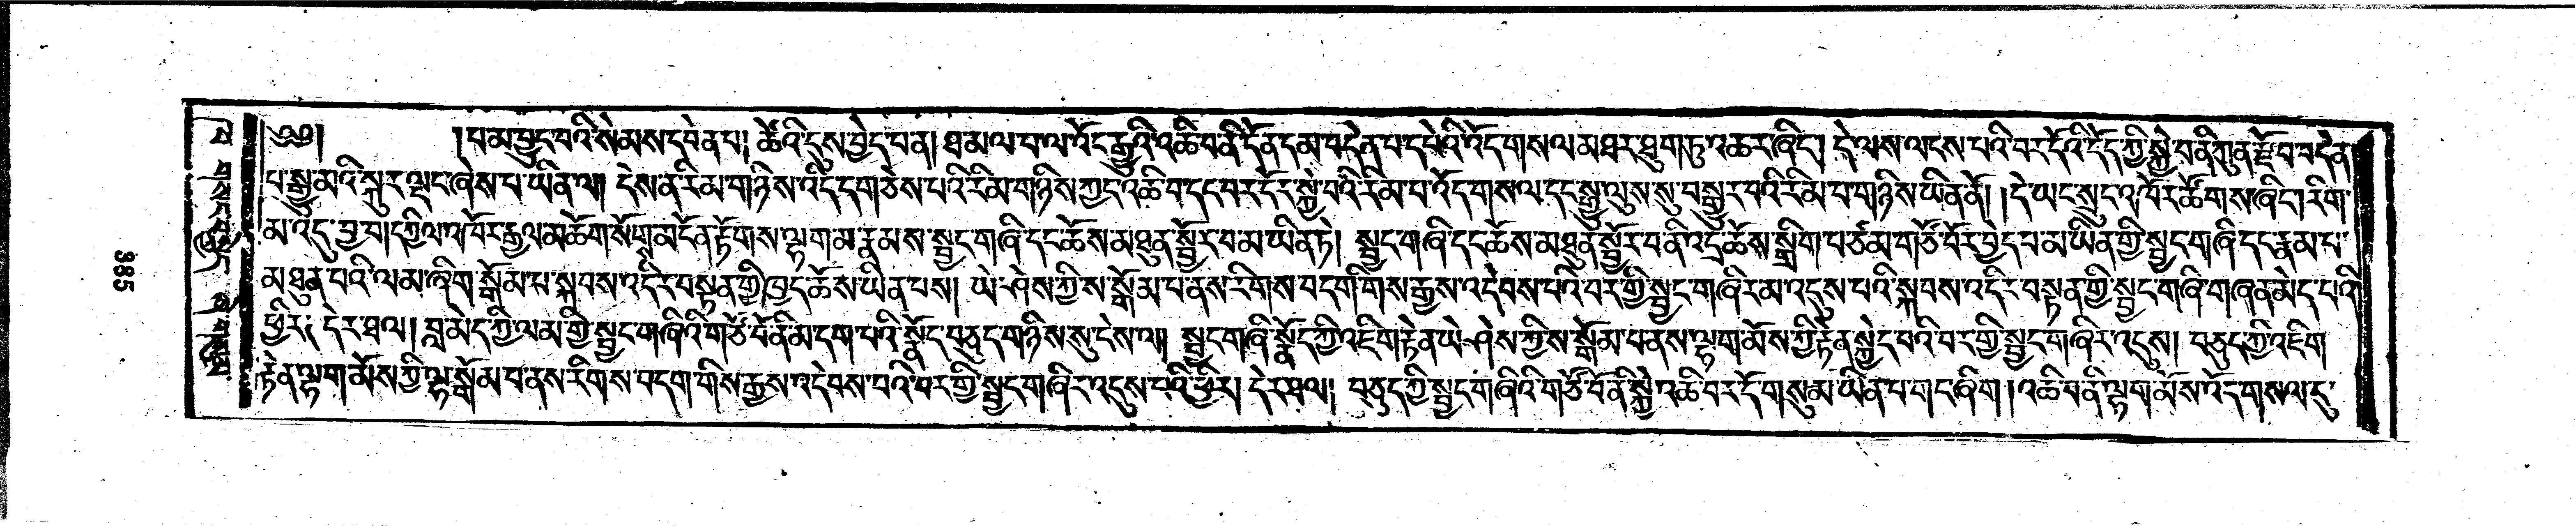༄༅། །པ་མ་བྱུང་བའི་སེམས་དབེན་པ། ཚེའི་དུས་བྱེད་པ་ན། ཐ་མལ་བ་ལ་འོང་རྒྱུའི་འཆི་བ་ནི་དོན་དམ་བདེན་པ་དཔེའི་འོད་གསལ་མཐར་ཐུག་ཏུ་འཆར་ཞིང་། དེ་ལས་ལངས་པའི་བར་དོའི་དོད་ཀྱི་སྐྱེ་བ་ནི་ཀུན་རྫོབ་བདེན་
བ་སྒྱུ་མའི་སྐུར་ལྡང་ཞེས་པ་ཡིན་ལ། དེས་ན་རིམ་གཉིས་འདི་དག་ཅེས་པའི་རིམ་གཉིས་ཀྱང་འཆི་བ་དང་བར་དོར་སྐྱེ་བའི་རིམ་པ་འོད་གསལ་དང་སྒྱུ་ལུས་སུ་བསྒྱུར་བའི་རིམ་པ་གཉིས་ཡིན་ནོ། །དེ་ཡང་སྲུང་འཁོར་ཚོགས་ཞིང་། རིག་
མ་འདུ་བྱ་བ། དཀྱིལ་འཁོར་རྒྱལ་མཆོག་སོགས་མངོན་རྟོགས་ལྷག་མ་རྣམས་སྦྱང་གཞི་དང་ཆོས་མཐུན་སྦྱོར་བ་མ་ཡིན་ཏེ། སྦྱང་གཞི་དང་ཆོས་མཐུན་སྦྱོར་བ་ནི་འདྲ་ཆོས་སྒྲིག་པ་ཙམ་གཙོ་བོར་བྱེད་པ་མ་ཡིན་གྱི་སྦྱང་གཞི་དང་རྣམ་པ་
མཐུན་པའི་ལམ་ཞིག་སྒོམ་པ་སྐབས་འདིར་བསྟན་གྱི་ཁྱད་ཆོས་ཡིན་པས། ཡེ་ཤེས་ཀྱི་ས་སྒོམ་པ་ནས་རིགས་བདག་གིས་རྒྱས་འདེབས་པའི་བར་གྱི་སྦྱང་གཞིར་མ་འདུས་པའི་སྐབས་འདིར་བསྟན་གྱི་སྦྱང་གཞི་གཞན་མེད་པའི་
ཕྱིར༑ དེར་ཐལ། བླ་མེད་ཀྱི་ལམ་གྱི་སྦྱང་གཞིའི་གཙོ་བོ་ནི་མ་དག་པའི་སྣོད་བཅུད་གཉིས་སུ་ངེས་ལ། སྦྱང་གཞི་སྣོད་ཀྱི་འཇིག་རྟེན་ཡེ་ཤེས་ཀྱི་ས་སྒོམ་པ་ནས་ལྷག་མོས་ཀྱི་རྟེན་སྐྱེད་པའི་བར་གྱི་སྦྱང་གཞིར་འདུས། བཅུད་ཀྱི་འཇིག་
རྟེན་ལྷག་མོས་ཀྱི་ལྷ་སྒོམ་པ་ནས་རིགས་བདག་གིས་རྒྱས་འདེབས་པའི་བར་གྱི་སྦྱང་གཞིར་འདུས་པའི་ཕྱིར། དེར་ཐལ། བཅུད་ཀྱི་སྦྱང་གཞིའི་གཙོ་བོ་ནི་སྐྱེ་འཆི་བར་དོ་གསུམ་མིན་པ་གང་ཞིག །འཆི་བ་ནི་ལྷག་མོས་འོད་གསལ་དུ་